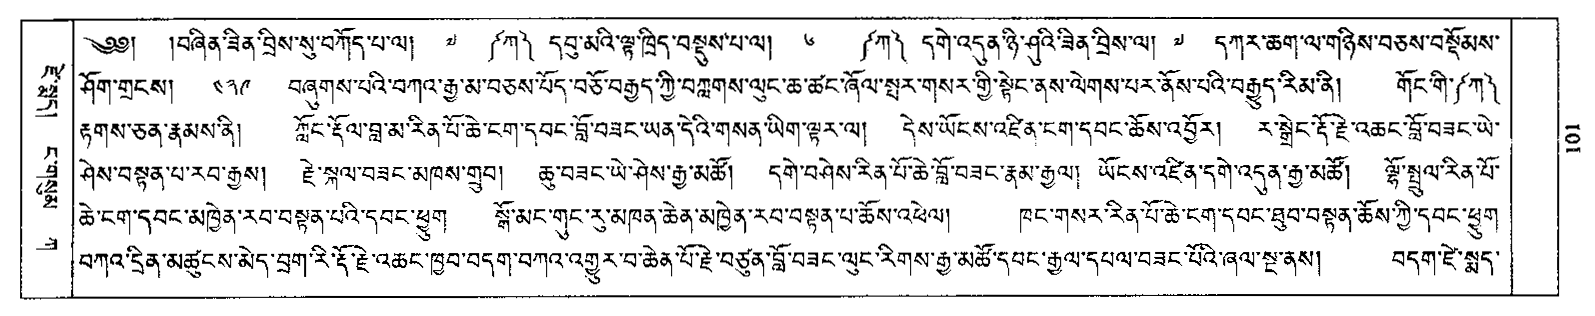༄༅། །བཞིན་ཟིན་བྲིས་སུ་བཀོད་པ་ལ། ༧ ༼ཀ྄་དབུ་མའི་ལྟ་ཁྲིད་བསྡུས་པ་ལ། ༦་༽ཀ྄་དགེ་འདུན་ཉི་ཤུའི་ཟིན་བྲིས་ལ། ༧་དཀར་ཆག་ལ་གཉིས་བཅས་བསྡོམས་
ཤོག་གྲངས། ༤༢༩་བཞུགས་པའི་བཀའ་རྒྱ་མ་བཅས་པོད་བཅོ་བརྒྱད་ཀྱི་བཀླགས་ལུང་ཆ་ཚང་ཞོལ་སྤར་གསར་གྱི་སྟེང་ནས་ལེགས་པར་ནོས་པའི་བརྒྱུད་རིམ་ནི། གོང་གི་ཀ྄
རྟགས་ཅན་རྣམས་ནི། ཀློང་རྡོལ་བླ་མ་རིན་པོ་ཆེ་ངག་དབང་བློ་བཟང་ཡན་དེའི་གསན་ཡིག་ལྟར་ལ། དེས་ཡོངས་འཛིན་ངག་དབང་ཆོས་འབྱོར། ར་སྒྲེང་རྡོ་རྗེ་འཆང་བློ་བཟང་ཡེ་
ཤེས་བསྟན་པ་རབ་རྒྱས། རྗེ་སྐལ་བཟང་མཁས་གྲུབ། ཆུ་བཟང་ཡེ་ཤེས་རྒྱ་མཚོ། དགེ་བཤེས་རིན་པོ་ཆེ་བློ་བཟང་རྣམ་རྒྱལ། ཡོངས་འཛིན་དགེ་འདུན་རྒྱ་མཚོ། ལྷོ་སྤྲུལ་རིན་པོ་
ཆེ་ངག་དབང་མཁྱེན་རབ་བསྟན་པའི་དབང་ཕྱུག་སྒོ་མང་གུང་རུ་མཁན་ཆེན་མཁྱེན་རབ་བསྟན་པ་ཆོས་འཕེལ། ཁང་གསར་རིན་པོ་ཆེ་ངག་དབང་ཐུབ་བསྟན་ཆོས་ཀྱི་དབང་ཕྱུག་
བཀའ་དྲིན་མཚུངས་མེད་བྲག་རི་རྡོ་རྗེ་འཆང་ཁྱབ་བདག་བཀའ་འགྱུར་བ་ཆེན་པོ་རྗེ་བཙུན་བློ་བཟང་ལུང་རིགས་རྒྱ་མཚོ་དབང་རྒྱལ་དཔལ་བཟང་པོའི་ཞལ་སྔ་ནས། བདག་ཛེ་སྨད་